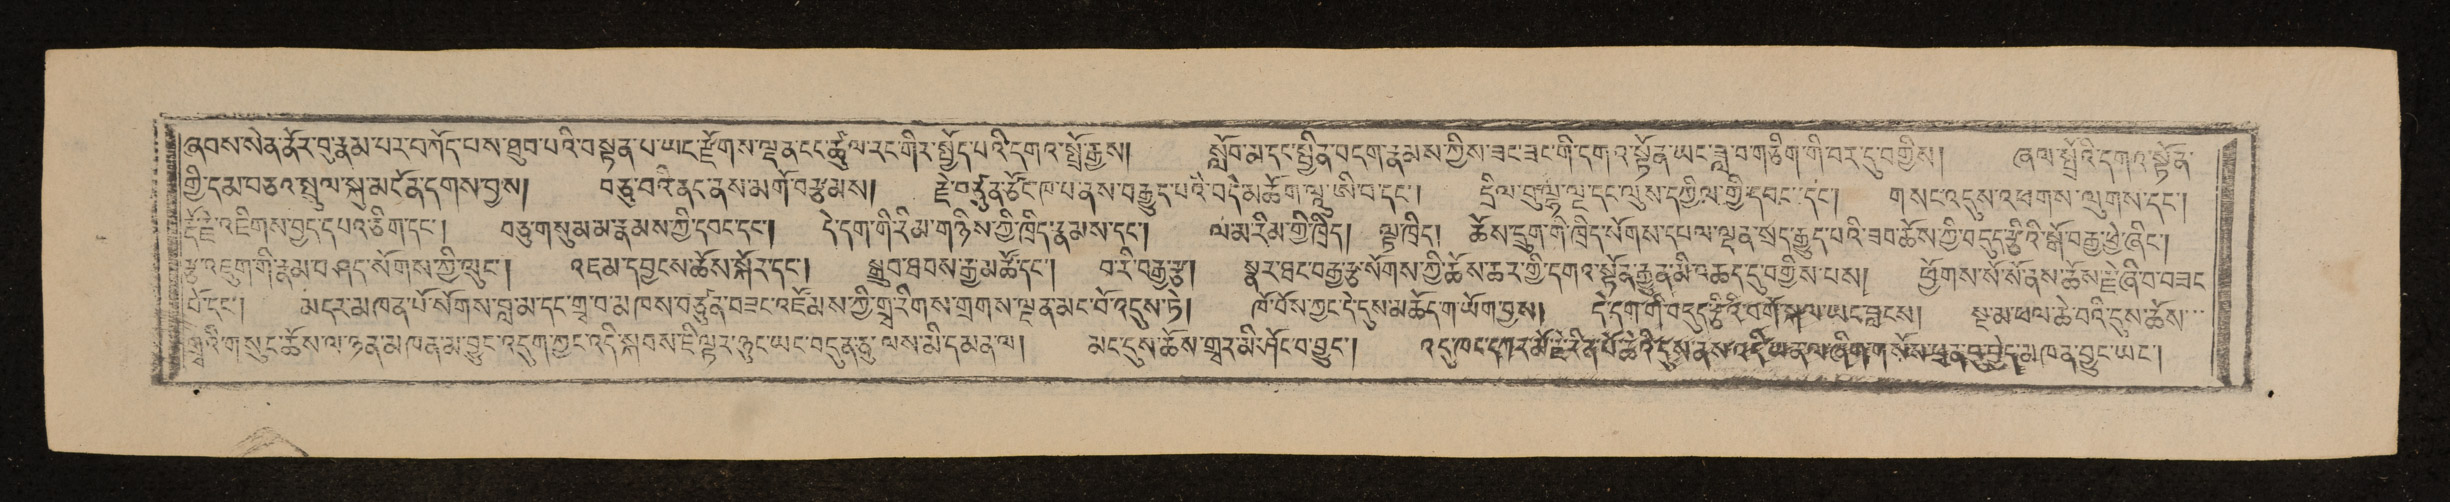ཞབས་སེན་ནོར་བུ་རྣམ་པར་བཀོད་པས་ཐུབ་པའི་བསྟན་པ་ཡང་རྫོགས་ལྡན་དང་ཚུལ་རང་གིར་སྤྱོད་པའི་དགའ་སྤྲོ་རྒྱས། སློབ་མ་དང་སྦྱིན་བདག་རྣམས་ཀྱིས་ཟང་ཟང་གི་དགའ་སྟོན་ཡང་ཟླ་བ་གཅིག་གི་བར་དུ་བགྱིས། ཞལ་སྤྲོའི་དགའ་སྟོན་
གྱི་དམ་བཅའ་སྤྲུལ་སྐུ་མངོན་དགས་བྱས། བཅུ་པའི་ནང་ནས་མགོ་བརྩམས། རྗེ་བཙུན་ཙོང་ཁ་བ་ནས་བརྒྱུད་པའི་བདེ་མཆོག་ལཱུ་ཨི་པ་དང་། དྲིལ་བུ་ལྷ་ལྔ་དང་ལུས་དཀྱིལ་གྱི་དབང་དང་། གསང་འདུས་འཕགས་ལུགས་དང་།
རྡོ་རྗེ་འཇིགས་བྱེད་དཔའ་ཅིག་དང་། བཅུ་གསུམ་མ་རྣམས་ཀྱི་དབང་དང་། དེ་དག་གི་རིམ་གཉིས་ཀྱི་ཁྲིད་རྣམས་དང་། ལམ་རིམ་གྱི་ཁྲིད། ལྟ་ཁྲིད། ཆོས་དྲུག་གི་ཁྲིད་སོགས་དཔལ་ལྡན་སྲད་རྒྱུད་པའི་ཟབ་ཆོས་ཀྱི་བདུད་རྩིའི་སྒོ་བརྒྱ་ཕྱེ་ཞིང་།
རྩ་འཇུག་གི་རྣམ་བཤད་སོགས་ཀྱི་ལུང་། འཇམ་དབྱངས་ཆོས་སྐོར་དང་། སྒྲུབ་ཐབས་རྒྱ་མཚོ་དང་། བ་རི་བརྒྱ་རྩ། སྣར་ཐང་བརྒྱ་རྩ་སོགས་ཀྱི་ཆོས་ཆར་གྱི་དགའ་སྟོན་རྒྱུན་མི་འཆད་དུ་བགྱིས་པས། ཕྱོགས་སོ་སོ་ནས་ཆོས་རྗེ་ཞི་བ་བཟང་
པོ་དང་། མདར་མཁན་པོ་སོགས་བླ་མ་དང་གྲྭ་བ་མཁས་བཙུན་བཟང་འཛོམས་ཀྱི་གྲྭ་རིགས་གྲགས་ལྡན་མང་པོ་འདུས་ཏེ། ཁོ་བོས་ཀྱང་དེ་དུས་མཆོད་གཡོག་བྱས། དེ་དག་གི་བདུད་རྩིའི་བགོ་སྐལ་ཡང་བླངས། སྔ་མ་ཕལ་ཆེ་བའི་དུས་ཆོས་
གྲྭའི་གསུང་ཆོས་ལ་ཉན་མཁན་མ་བྱུང་འདུག་ཀྱང་འདི་སྐབས་ཇི་ལྟར་ཉུང་ཡང་བདུན་ཅུ་ལས་མི་དམན་ལ། མང་དུས་ཆོས་གྲྭར་མི་ཤོང་བ་བྱུང་། འདུ་ཁང་དཀར་མོ་རྗེ་རིན་པོ་ཆེའི་དུས་ནས་འདི་ཡན་ལ་ཞིག་གསོས་ཕྲན་བུ་བྱེད་མཁན་བྱུང་ཡང་།